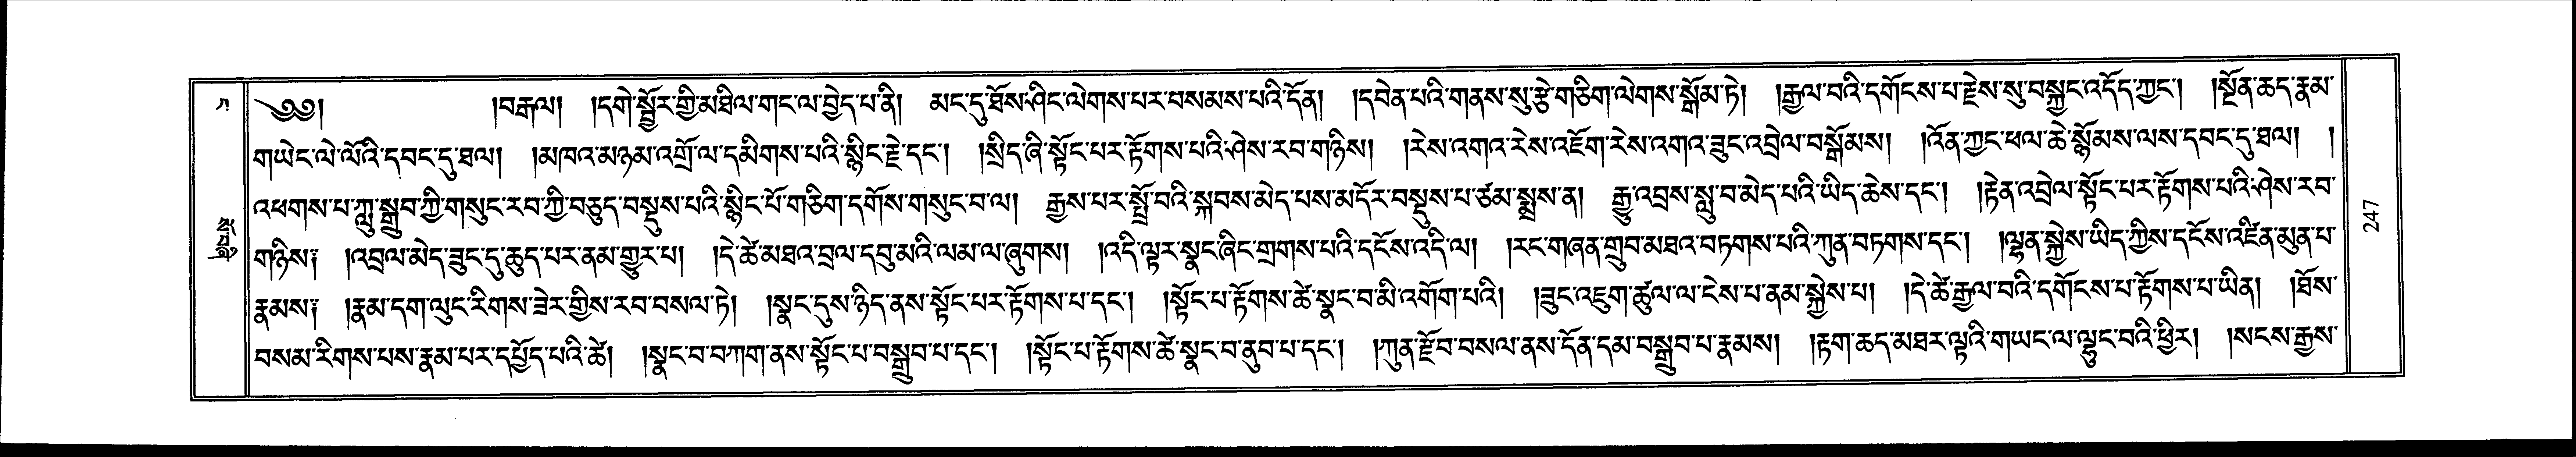༄༅། །བརྒལ། །དགེ་སྦྱོར་གྱི་མཐིལ་གང་ལ་བྱེད་པ་ནི། མང་དུ་ཐོས་ཤིང་ལེགས་པར་བསམས་པའི་དོན། །དབེན་པའི་གནས་སུ་རྩེ་གཅིག་ལེགས་སྒོམ་ཏེ། །རྒྱལ་བའི་དགོངས་པ་རྗེས་སུ་བསྐྱང་འདོད་ཀྱང་། །སྔོན་ཆད་རྣམ་
གཡེང་ལེ་ལོའི་དབང་དུ་ཐལ། །མཁའ་མཉམ་འགྲོ་ལ་དམིགས་པའི་སྙིང་རྗེ་དང་། །སྲིད་ཞི་སྟོང་པར་རྟོགས་པའི་ཤེས་རབ་གཉིས། །རེས་འགའ་རེས་འཇོག་རེས་འགའ་ཟུང་འབྲེལ་བསྒོམས། །འོན་ཀྱང་ཕལ་ཆེ་སྙོམས་ལས་དབང་དུ་ཐལ།།
འཕགས་པ་ཀླུ་སྒྲུབ་ཀྱི་གསུང་རབ་ཀྱི་བཅུད་བསྡུས་པའི་སྙིང་པོ་གཅིག་དགོས་གསུང་བ་ལ། རྒྱས་པར་སྤྲོ་བའི་སྐབས་མེད་པས་མདོར་བསྡུས་པ་ཙམ་སྨྲས་ན། རྒྱུ་འབྲས་སླུ་བ་མེད་པའི་ཡིད་ཆེས་དང་། །རྟེན་འབྲེལ་སྟོང་པར་རྟོགས་པའི་ཤེས་རབ་
གཉིས། །འབྲལ་མེད་ཟུང་དུ་ཆུད་པར་ནམ་གྱུར་པ། །དེ་ཚེ་མཐའ་བྲལ་དབུ་མའི་ལམ་ལ་ཞུགས། །འདི་ལྟར་སྣང་ཞིང་གྲགས་པའི་དངོས་འདི་ལ། །རང་གཞན་གྲུབ་མཐའ་བཏགས་པའི་ཀུན་བཏགས་དང་། །ལྷན་སྐྱེས་ཡིད་ཀྱིས་དངོས་འཛིན་མུན་པ་
རྣམས། །རྣམ་དག་ལུང་རིགས་ཟེར་གྱིས་རབ་བསལ་ཏེ། །སྣང་དུས་ཉིད་ནས་སྟོང་པར་རྟོགས་པ་དང་། སྟོང་པ་རྟོགས་ཚེ་སྣང་བ་མི་འགོག་པའི། །ཟུང་འཇུག་ཚུལ་ལ་ངེས་པ་ནམ་སྐྱེས་པ། །དེ་ཚེ་རྒྱལ་བའི་དགོངས་པ་རྟོགས་པ་ཡིན། །ཐོས་
བསམ་རིགས་པས་རྣམ་པར་དཔྱོད་པའི་ཚེ། །སྣང་བ་བཀག་ནས་སྟོང་པ་བསྒྲུབ་པ་དང་། །སྟོང་པ་རྟོགས་ཚེ་སྣང་བ་ནུབ་པ་དང་། །ཀུན་རྫོབ་བསལ་ནས་དོན་དམ་བསྒྲུབ་པ་རྣམས། །རྟག་ཆད་མཐར་ལྟའི་གཡང་ལ་ལྷུང་བའི་ཕྱིར། །སངས་རྒྱས་